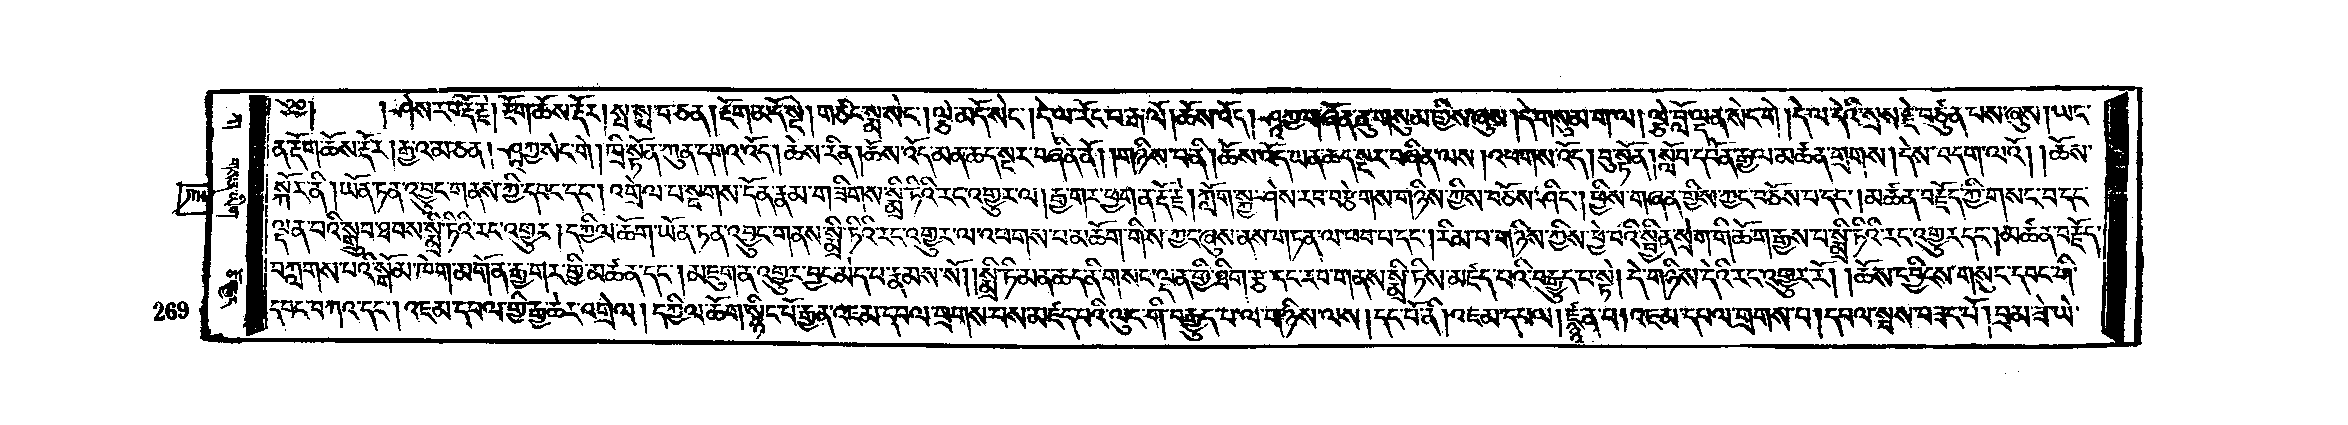༄༅། །ཤེས་རབ་རྡོ་རྗེ། རྔོག་ཆོས་རྡོར། སྤ་སྤ་བ་ཅན། རྡོག་མདོ་སྡེ། གཙང་སྨ་སེང་། ལྕེ་མདོ་སེང་། དེ་ལ་རོང་པ་རྒ་ལོ། ཆོས་འོད། ཤཱཀྱ་གཞོན་ནུ་གསུམ་གྱིས་ཞུས། དེ་གསུམ་ག་ལ། ལྕེ་བློ་ལྡན་སེང་གེ །དེ་ལ་དེའི་སྲས་རྗེ་བཙུན་པས་ཞུས། ཡང་
ན་རྡོག་ཆོས་རྡོར། རྒྱ་འ་མ་ཅན། ཤཱཀྱ་སེང་གེ །ཁྲི་སྟོན་ཀུན་དགའ་འོད། ཆེས་རིན། ཆོས་འོད་མན་ཆད་སྔར་བཞིན་ནོ། །གཉིས་པ་ནི། ཆོས་འོད་ཡན་ཆད་སྔར་བཞིན་ལས། འཕགས་འོད། བུ་སྟོན། སློབ་དཔོན་རྒྱལ་མཚན་གྲགས། དེས་བདག་ལའོ། །ཆོས་
སྐོར་ནི། ཡོན་ཏན་འབྱུང་གནས་ཀྱི་དབང་དང་། འགྲེལ་པ་སྦགས་དོན་རྣམ་གཟིགས་སྨྲི་ཏིའི་རང་འགྱུར་ལ། རྒྱ་གར་ཕྱག་ན་རྡོ་རྗེ། ཀློག་སྐྱ་ཤེས་རབ་བརྩེགས་གཉིས་ཀྱིས་བཅོས་ཤིང་། ཕྱིས་གཞན་གྱིས་ཀྱང་བཅོས་པ་དང་། མཚན་བརྗོད་ཀྱི་གསང་བ་དང་
ལྡན་པའི་སྒྲུབ་ཐབས་སྨྲི་ཏིའི་རང་འགྱུར། དཀྱིལ་ཆོག་ཡོན་ཏན་འབྱུང་གནས་སྨྲི་ཏིའི་རང་འགྱུར་ལ་འཕགས་པ་མཆོག་གིས་ཀྱང་ཞུས་ནས་གཏན་ལ་ཕབ་པ་དང་། རིམ་པ་གཉིས་ཀྱིས་ཕྱེ་བའི་སྦྱིན་སྲེག་གི་ཆོ་ག་རྒྱས་པ་སྨྲི་ཏིའི་རང་འགྱུར་དང་། མཚན་བརྗོད་
བཀླགས་པའི་སྒོམ་ཁེག་མགོ་ན་རྒྱ་གར་གྱི་མཚན་དང་། མཇུག་ན་འགྱུར་བྱང་མེད་པ་རྣམས་སོ། །སྨྲི་ཏི་མན་ཆད་ནི་གསང་ལྡན་གྱི་ཐིག་རྩ་དང་རབ་གནས་སྨྲི་ཏིས་མཛད་པའི་བརྒྱུད་པ་སྟེ། དེ་གཉིས་དེའི་རང་འགྱུར་རོ། །ཆོས་དབྱིངས་གསུང་དབང་གི་
དབང་བཀའ་དང་། འཇམ་དཔལ་གྱི་རྒྱ་ཆེར་འགྲེལ། དཀྱིལ་ཆོག་སྙིང་པོ་རྒྱན་འཇམ་དཔལ་གྲགས་པས་མཛད་པའི་ལུང་གི་བརྒྱུད་པ་ལ་གཉིས་ལས། དང་པོ་ནི། འཇམ་དཔལ། ཛྙཱ་ན་པ། འཇམ་དཔལ་གྲགས་པ། དཔལ་སྤས་བཟང་པོ། བྲམ་ཟེ་ཡེ་